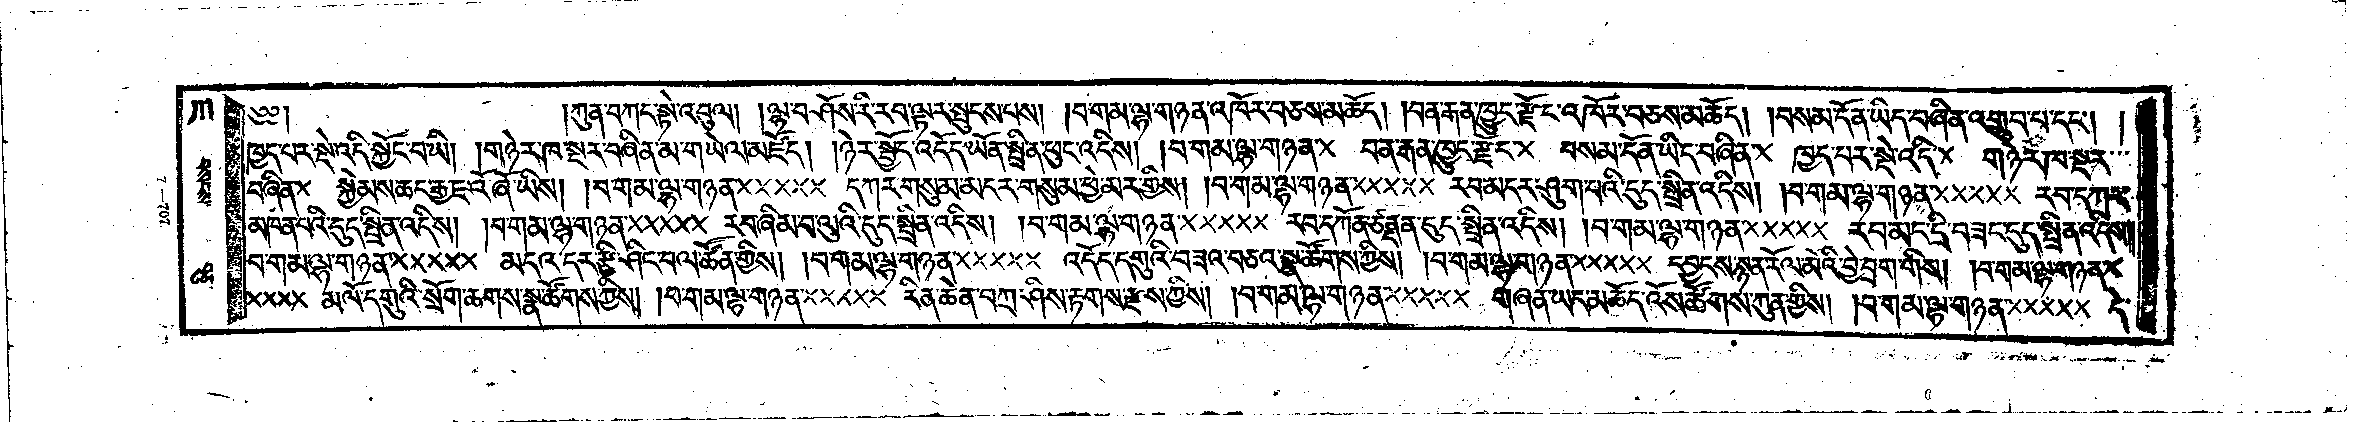༄༅། །ཀུན་བཀང་སྟེ་འབུལ། །ལྷ་བཤོས་རི་རབ་ལྟར་སྤུངས་པས། །བ་གམ་ལྷ་གཉན་འཁོར་བཅས་མཆོད། །བན་རྒན་ཁྱུང་རྫོང་འཁོར་བཅས་མཆོད། །བསམ་དོན་ཡིན་བཞིན་འགྲུབ་པ་དང་། །
ཁྱད་པར་སྡེ་འདི་སྐྱོང་བ་ཡི། །གཉེར་ཁ་སྔར་བཞིན་མ་གཡེལ་མཛོད། །ཉེར་སྤྱོད་འདོད་ཡོན་སྤྲིན་ཕུང་འདིས། །བ་གམ་ལྷ་གཉན་྾་བན་རྒན་ཁྱུང་རྫོང་྾་བསམ་དོན་ཡིད་བཞིན་྾་ཁྱད་པར་སྡེ་འདི་྾་གཉེར་ཁ་སྔར་
བཞིན་྾་སྐྱེམས་ཆང་རྒྱ་ཇ་འོ་ཞོ་ཡིས། །བ་གམ་ལྷ་གཉན་྾྾྾་དཀར་གསུམ་མངར་གསུམ་ཕྱེ་མར་གྱིས། །བ་གམ་ལྷ་གཉན་྾྾྾་རབ་མངར་ཤུག་པའི་དུད་སྤྲིན་འདིས། །བ་གམ་ལྷ་གཉན་྾྾྾་རབ་དཀར་
མཁན་པའི་དུད་སྤྲིན་འདིས། །བ་གམ་ལྷ་གཉན་྾྾྾་རབ་ཞིམ་བ་ལུའི་དུད་སྤྲིན་འདིས། །བ་གམ་ལྷ་གཉན་྾྾྾་རབ་དཀོན་ཙནྡན་དུད་སྤྲིན་འདིས། །བ་གམ་ལྷ་གཉན་྾྾྾་རབ་མང་དྲི་བཟང་དུད་སྤྲིན་འདིས་
བ་གམ་ལྷ་གཉན་྾྾྾་མངའ་དར་རྩི་ཤིང་བལ་ཚོན་གྱིས། །བ་གམ་ལྷ་གཉན་྾྾྾་འདོད་དགུའི་བཟའ་བཅའ་སྣ་ཚོགས་ཀྱིས། །བ་གམ་ལྷ་གཉན་྾྾྾་དབྱངས་སྙན་རོལ་མོའི་བྱེ་བྲག་གིས། །བ་གམ་ལྷ་གཉན་྾་
྾྾྾་མཁོ་དགུའི་སྲོག་ཆགས་སྣ་ཚོགས་ཀྱིས། །བ་གམ་ལྷ་གཉན་྾྾྾་རིན་ཆེན་བཀྲ་ཤིས་རྟགས་རྫས་ཀྱིས། །བ་གམ་ལྷ་གཉན་྾྾྾་གཞན་ཡང་མཆོད་འོས་ཚོགས་ཀུན་གྱིས། །བ་གམ་ལྷ་གཉན་྾྾྾་དེ་